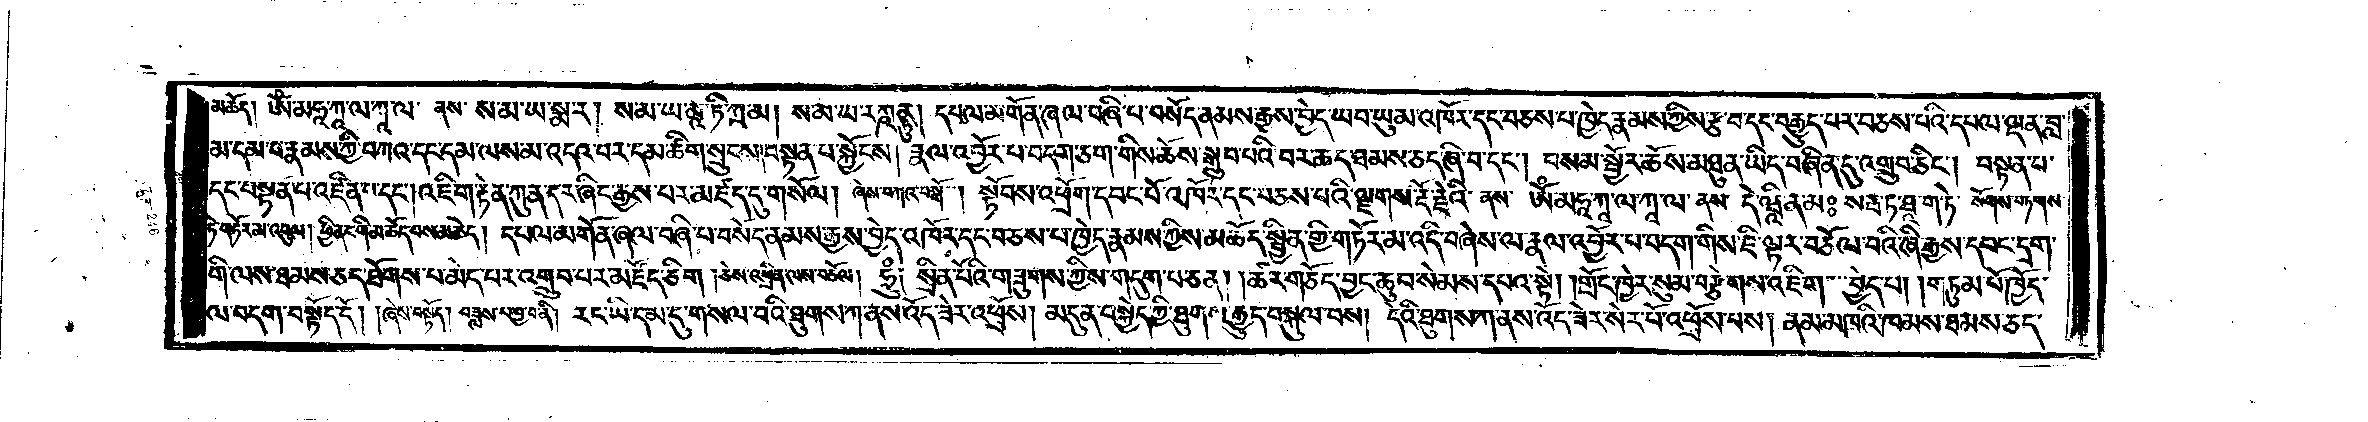མཆོད། ཨོཾ་མྷཱ་ཀཱ་ལ་ཀཱ་ལ་ན་ས་མ་བ་སྨར། ས་མ་ཡ་མཱ་ཧི་ཀྲ་མ། ས་མ་ཡ་ར་ཀཱ་ནཏུ། དཔལ་མངོན་ཞལ་བཞི་པ་བསོད་ནམས་རྒྱས་བྱེད་ཡབ་ཡུམ་འཁྲོ་དང་བཅས་པ་ཁྱེད་རྣམས་ཀྱིས་རྩ་བ་དང་བརྒྱུད་པར་བཅས་པའི་དཔལ་ལྡན་བླ་
མ་དམ་པ་རྣམས་ཀྱི་བཀའ་དང་དམ་ལས་མ་འདའ་བར་དམ་ཚིག་སྲུངས། བསྟན་པ་སྐྱོངས། རྣལ་འབྱོར་པ་བདག་ཅག་གིས་ཆོས་སྒྲུབ་པའི་བར་ཆད་ཐམས་ཅད་ཤི་བ་དང་། བསམ་སྦྱོར་ཆོས་མཐུན་ཡིད་བཞིན་དུ་འགྲུབ་ཅིང་། བསྟན་པའི་
དང་བསྟན་པ་འཛིན་པ་དང་། འཇིག་རྟེན་ཀུན་དར་ཞིང་རྒྱས་པར་མཛད་དུ་གསོལ། ཞེས་བཀའ་བསྒོ།  སྟོབས་འཕྲོག་དང་པོ་འཁྲོ་དང་བཅས་པའི་ལྷགས་རྡོ་རྗེའི་ནས་ཨོཾ་མཐཱ་ཀཱ་ལ་ཀཱ་ལ་ནས་དེ་ཝཱི་ན་མཿ སརྦ་ཏ་ཐཱ་ག་ཏེ། སོགས་བཏགས་
ཏེ་གཏོར་མ་འབུལ། ཕྱི་ནང་གི་མཆོད་བས་མཆོད།  དཔལ་མགོན་ཞལ་བཞི་བ་བསོད་ནམས་རྒྱས་བྱེད་འཁོར་དང་བཅས་པ་ཁྱེད་རྣམས་ཀྱིས་མཆོད་སྦྱིན་གྱི་གཏོར་མ་འདི་བཞེས་ལ་རྣལ་འབྱོར་བ་བདག་གིས་ཇི་ལྟར་བཅོལ་བའི་ཞི་རྒྱས་དབང་དྲག་
གི་ལས་ཐམས་ཅད་ཐོགས་པ་མེད་པར་འགྲུབ་པར་མཛོད་ཅིང་། ཅེས་འཕྲིན་ལས་བཅོ།  ཧཱུཾ་སྲིན་པོའི་གཟུགས་ཀྱིས་གདུག་པ་ཅན། །ཚར་གཅོད་བྱང་ཆུབ་སེམས་དཔའ་སྟེ། །གྲོང་ཁཡེར་སུམ་བརྩེགས་འཇིག་བྱེད་པ། །གཏུམ་པོ་ཁྱོད་
ལ་བདག་བསྟོད་དོ། །ཞེས་བསྟོད། བཟླས་པ་བྱ་བ་ནི།  རང་ཡི་དམ་དུ་གསཱལ་བའི་ཐུགས་ཀ་ནས་འོད་ཟེར་འཕྲོས། མདུན་བསྐྱེད་ཀྱི་ཐུགས་རྒྱུད་བསྐུལ་བས། དེའི་ཐུགས་ཀ་ནས་འོད་ཟེར་སེར་པོ་འཕྲོས་པས། ནམ་མཁའི་ཁམས་ཐམས་ཅད་